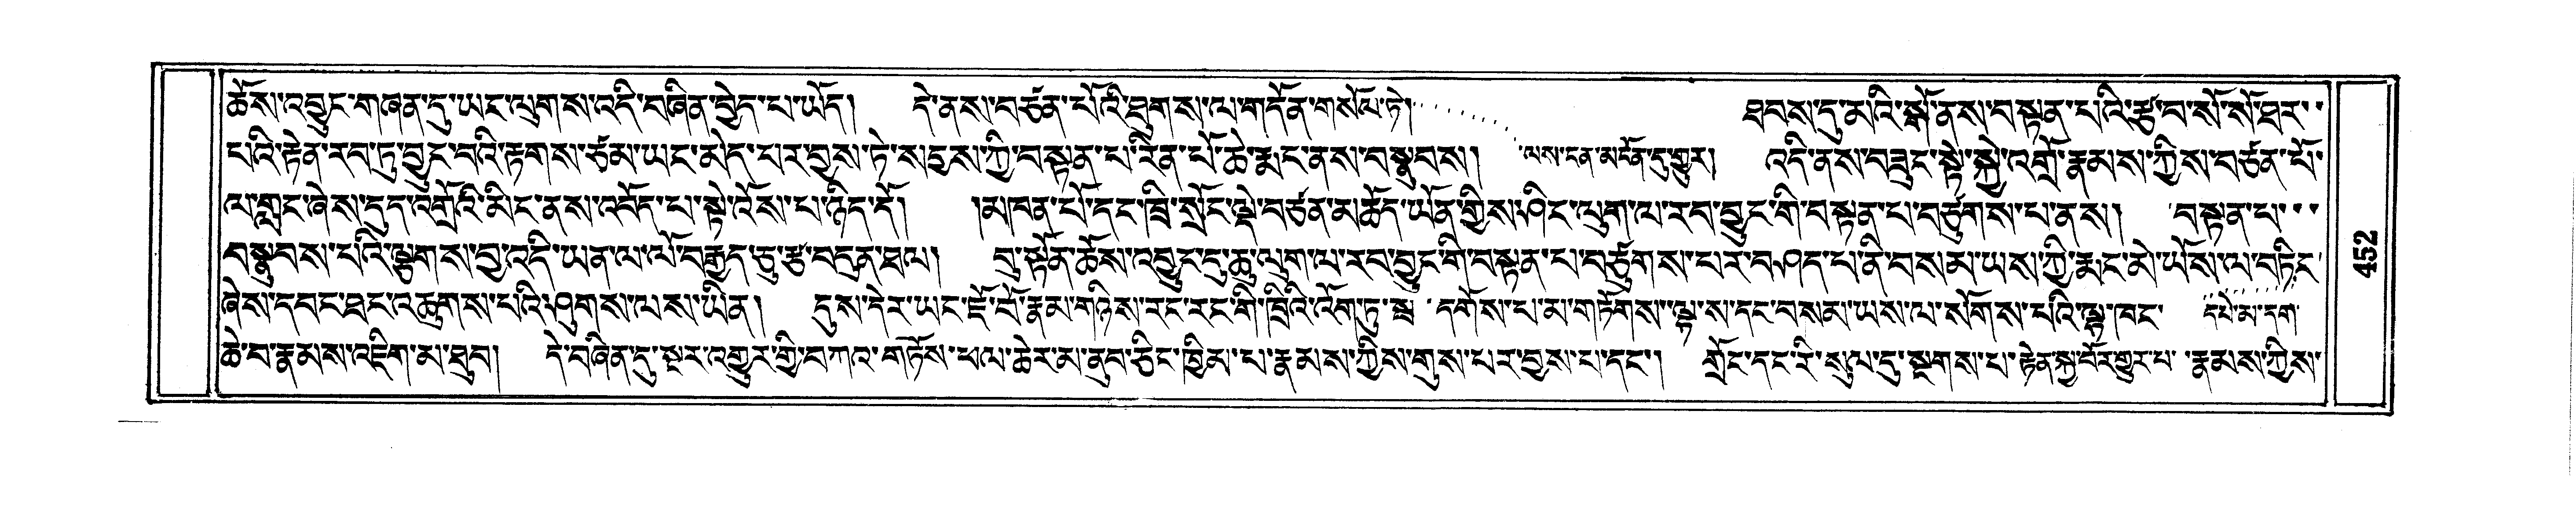ཆོས་འབྱུང་གཞན་དུ་ཡང་ལུགས་འདི་བཞིན་བྱེད་པ་ཡོད། དེ་ནས་བཙན་པོའི་ཐུགས་ལ་གདོན་གསོལ་ཏེ། ཐབས་དུ་མའི་སྒོ་ནས་བསྟན་པའི་རྩ་བ་སོ་སོ་ཐར་
པའི་རྟེན་རབ་ཏུ་བྱུང་བའི་རྟགས་ཙམ་ཡང་མེད་པར་བྱས་ཏེ་སངྱས་ཀྱི་བསྟན་པ་རིན་པོ་ཆེ་རྨང་ནས་བསྣུབས། ལས་ངན་མངོན་དུ་གྱུར་འདི་ནས་བཟུང་སྟེ་སྐྱེ་འགྲོ་རྣམས་ཀྱིས་བཙན་པོ་
ལ་གླང་ཞེས་དུད་འགྲོའི་མིང་ནས་འབོད་པ་སྟེ་འོས་པ་ཉིད་དོ། །མཁན་པོ་དང་ཁྲི་སྲོང་ལྡེ་བཙན་མཆོད་ཡོན་གྱི་ཤིང་ལུགས་ལ་རབ་བྱུང་གི་བསྟན་པ་བཙུགས་པ་ནས། བསྟན་པ་
བསྣུབས་པའི་ལྕགས་བྱ་འདི་ཡན་ལ་ལོ་བརྒྱད་ཅུ་རྩ་བདུན་ཐལ། བུ་སྟོན་ཆོས་འབྱུང་དུ་ཆུ་ལུག་ལ་རབ་བྱུང་གི་བསྟན་པ་བཙུགས་པར་བཤད་པ་ནི་བསམ་ཡས་ཀྱི་རྨང་མེ་ཡོས་ལ་བཏིང་
ཞེས་དབང་ཐང་འཆུགས་པའི་ཤུགས་ལས་ཡིན། དུས་དེར་ཡང་ཇོ་བོ་རྣམ་གཉིས་རང་རང་གི་ཁྲིའི་འོག་ཏུ་སྦ་དགོས་པ་མ་གཏོགས་ལྷ་ས་དང་བསམ་ཡས་ལ་སོགས་པའི་ལྷ་ཁང་དཔེ་མ་དག
ཆེ་བ་རྣམས་འཇིག་མ་ཐུབ། དེ་བཞིན་དུ་སྔར་འགྱུར་གྱི་བཀའ་གཏོས་ཕལ་ཆེར་མ་ནུབ་ཅིང་ཁྱིམ་པ་རྣམས་ཀྱིས་གུས་པར་བྱས་པ་དང་། གྲོང་དང་རི་སུལ་དུ་སྔགས་པ་རྟེན་སྐྱ་བོར་གྱུར་པ་རྣམས་ཀྱིས་